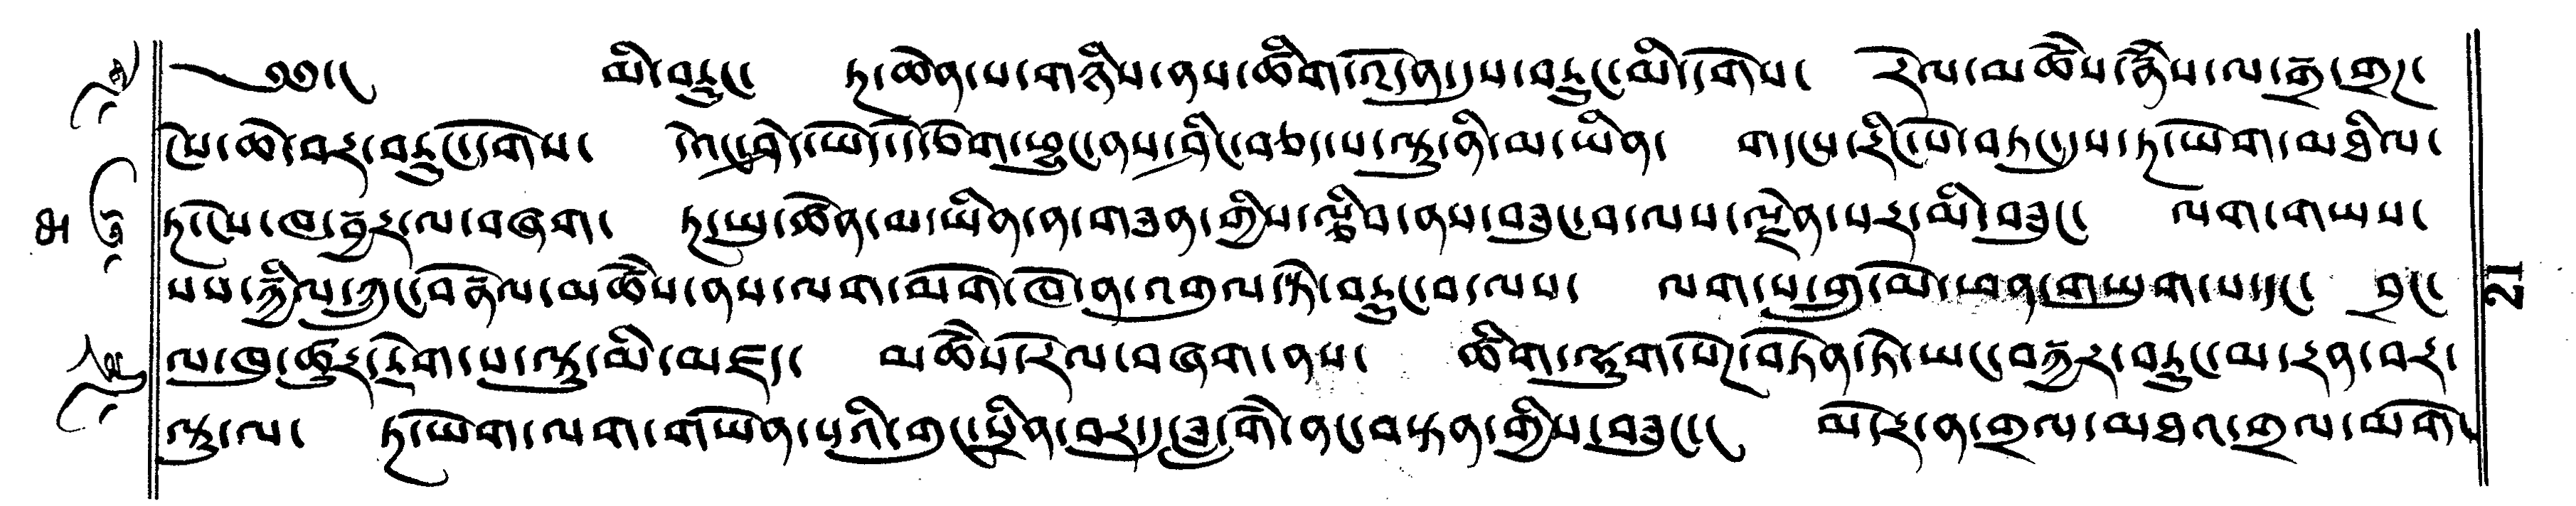མི་བརྡུང་། རྔ་ཆེན་པ་གཉིས་ནས་ཚིག་འདོན་དུས་བརྡུང་མི་དགོས། རོལ་མཚམས་རྣམས་ལ་སྒྲ་གྲགས་
ངེས་ཆེ་བར་བརྡུང་དགོས། དེའང་ཤེད་ཡོད་དོ་ཅོག་ཕྱུང་ནས་ཤིང་གཅོད་པ་ལྟ་བུ་ནི་མ་ཡིན། གདངས་རིང་པོ་བཏང་དུས་རྔ་གཡུག་གི་མཐིལ་
རྔ་ངོས་སུ་ཁ་སྦྱར་ལ་བཞག རྔ་ཡུ་ཚོན་མ་ཡིན་ན་གཟན་གྱིས་ལྕིབ་ནས་འཛིན་པ་ལས་རྗེན་པར་མི་བཟུང་། ལག་གཡས་
པས་སྐྱིལ་ཀྲུང་བསྣོལ་མཚམས་ནས་ལག་མགོ་ཁོ་ན་འགུལ་སྟེ་བརྡུང་བ་ལས། ལག་པ་གྲུ་མོ་ཕན་གཡུག་པ་དང་། བྲང་
ལ་ཁུ་ཚུར་རྡེག་པ་ལྟ་བུ་མི་མཛད། མཚམས་རོལ་བཞག་ནས། ཚིག་ལྷུག་སོགས་བཏོན་ཏེ་ཡང་བསྐྱར་བརྡུང་མ་རན་བར་
ལྟ་བུ་ལ། རྔ་གཡུག་ལག་གཡོན་པའི་གུང་སྲིན་བར་དུ་ཟླ་གམ་ནང་བསྟན་གྱིས་བཟུང་། མདོར་ན་གྲལ་མཐའ་གྲལ་མགོ་